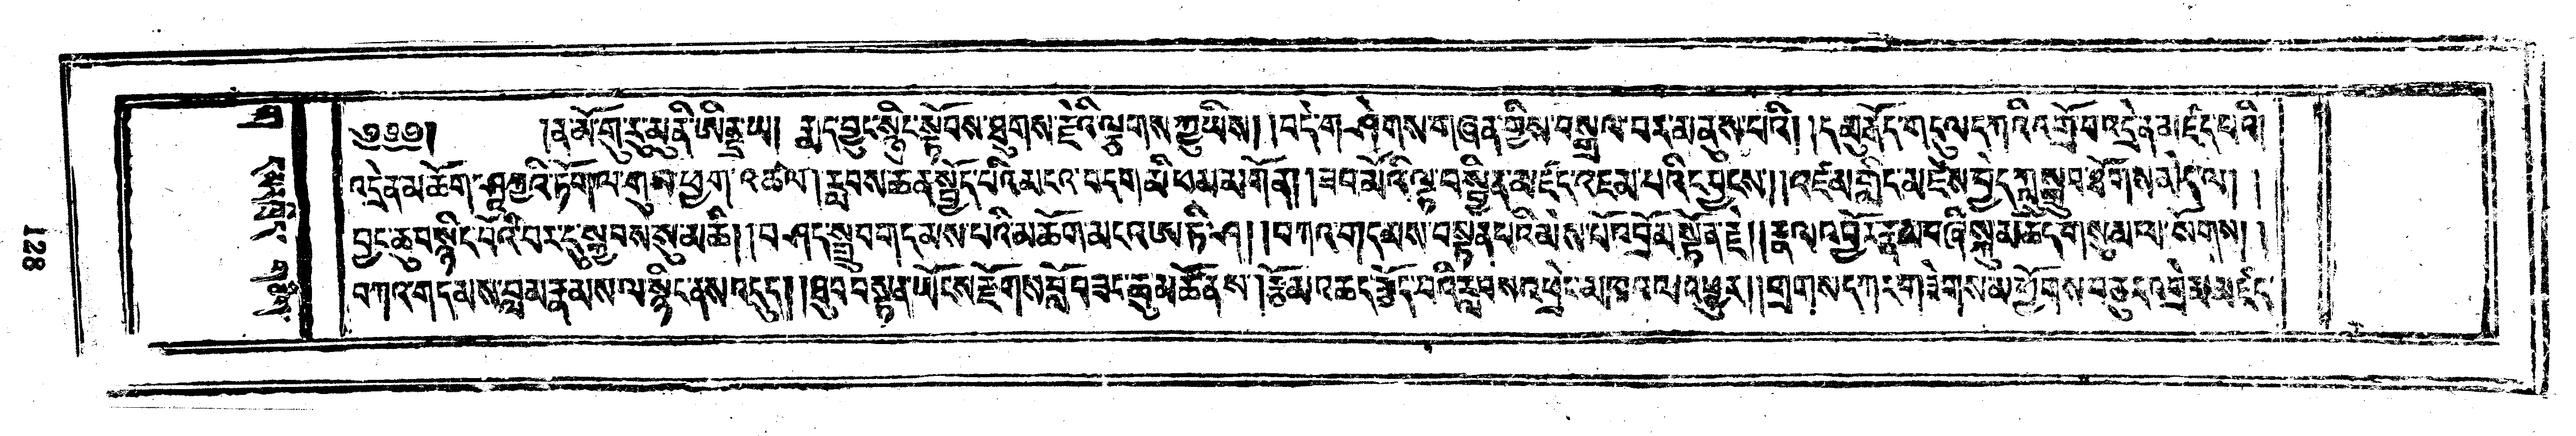༄༅༅། །ན་མོ་གུ་རུ་མུ་ནི་ཨིནྡྲ་ཡ། རྨད་བྱུང་སྙིང་སྟོབས་ཐུགས་རྗེའི་ལྕགས་ཀྱུ་ཡིས། །བདེ་གཤེགས་གཞན་གྱིས་བསྒྲལ་བར་མནུས་པའི། །དུམ་རྒོད་གདུལ་དཀའི་འགྲོ་བ་འདྲེན་མཛད་པའི།
འདྲེན་མཆོག་ཤཱཀྱའི་ཏོག་ལ་གུས་ཕྱག་འཚལ། རླབས་ཆེན་སྤྱོད་པའི་མངའ་བདག་མི་ཕམ་མགོན། །ཟབ་མོའི་ལྟ་བ་སྦྱིན་མཛད་འཇམ་པའི་དབྱངས། །འཛམ་གླིང་མཛེས་བྱེད་ཀླུ་སྒྲུབ་ཐོགས་མེད་ལ། །
བྱང་ཆུབ་སྙིང་པོའི་བར་དུ་སྐྱབས་སུ་མཆི། །བཤད་སྒྲུབ་གདམས་པའི་མཆོག་མངའ་ཨ་ཏི་ཤ། །བཀའ་གདམས་བསྟན་པའི་མེས་པོ་འབྲོམ་སྟོན་རྗེ། །རྣལ་འབྱོར་རྣམ་བཞི་སྐུ་མཆོད་གསུམ་ལ་སོགས། །
བཀའ་གདམས་བླ་མ་རྣམས་ལ་སྙིང་གནས་འདུད། །ཐུབ་བསྟན་ཡོངས་རྫོགས་བློ་བཟང་ཆུ་མཚོན་ས། རྩོམ་འཆད་རྩོད་བའི་རླབས་འཕྲེང་མཁའ་ལ་འཕྱུར། །གྲགས་དཀར་གཟེགས་མ་ཕྱོགས་བཅུང་འགྲེམ་མཛད་